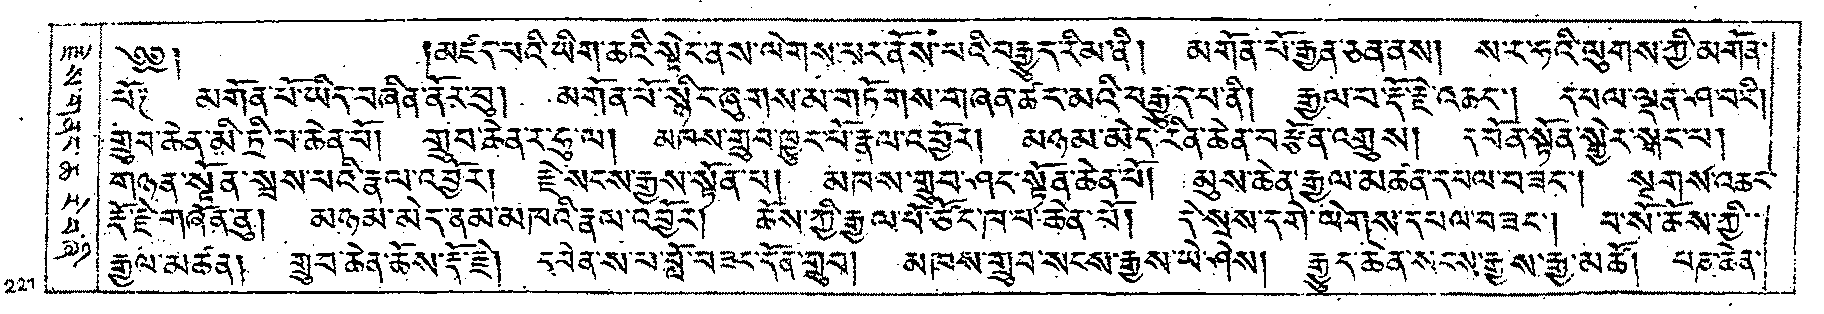༄༅། །མཛད་པའི་ཡིག་ཆའི་སྟེང་ནས་ལེགས་པར་ནོས་པའི་བརྒྱུད་རིམ་ནི། མགོན་པོ་རྒྱན་ཅན་ནས། ས་ར་ཧའི་ལུགས་ཀྱི་མགོན་
པོ༑ མགོན་པོ་ཡིད་བཞིན་ནོར་བུ། མགོན་པོ་སྙིང་ཞུགས་མ་གཏོགས་གཞན་ཚང་མའི་བརྒྱུད་པ་ནི། རྒྱལ་བ་རྡོ་རྗེ་འཆང་། དཔལ་ལྡན་ཤ་བ་རི།
གྲུབ་ཆེན་མི་ཏྲི་པ་ཆེན་པོ། གྲུབ་ཆེན་ར་ཧུ་ལ། མཁས་གྲུབ་ཁྱུང་པོ་རྣལ་འབྱོར། མཉམ་མེད་རིན་ཆེན་བརྩོན་འགྲུས། དབོན་སྟོན་སྒྱེར་སྒང་པ།
གཉན་སྟོན་སྦས་པའི་རྣལ་འབྱོར། རྗེ་སངས་རྒྱས་སྟོན་པ། མཁས་གྲུབ་ཤང་སྟོན་ཆེན་པོ། མུས་ཆེན་རྒྱལ་མཚན་དཔལ་བཟང་། སྔགས་འཆང་
རྡོ་རྗེ་གཞོན་ནུ། མཉམ་མེད་ནམ་མཁའི་རྣལ་འབྱོར། ཆོས་ཀྱི་རྒྱལ་པོ་ཙོང་ཁ་པ་ཆེན་པོ། དེ་སྲས་དགེ་ལེགས་དཔལ་བཟང་། བ་སོ་ཆོས་ཀྱི་
རྒྱལ་མཚན། གྲུབ་ཆེན་ཆོས་རྡོ་རྗེ། དབེན་ས་པ་བློ་བཟང་དོན་གྲུབ། མཁས་གྲུབ་སངས་རྒྱས་ཡེ་ཤེས། རྒྱུད་ཆེན་སངས་རྒྱས་རྒྱ་མཚོ། པཎ་ཆེན་